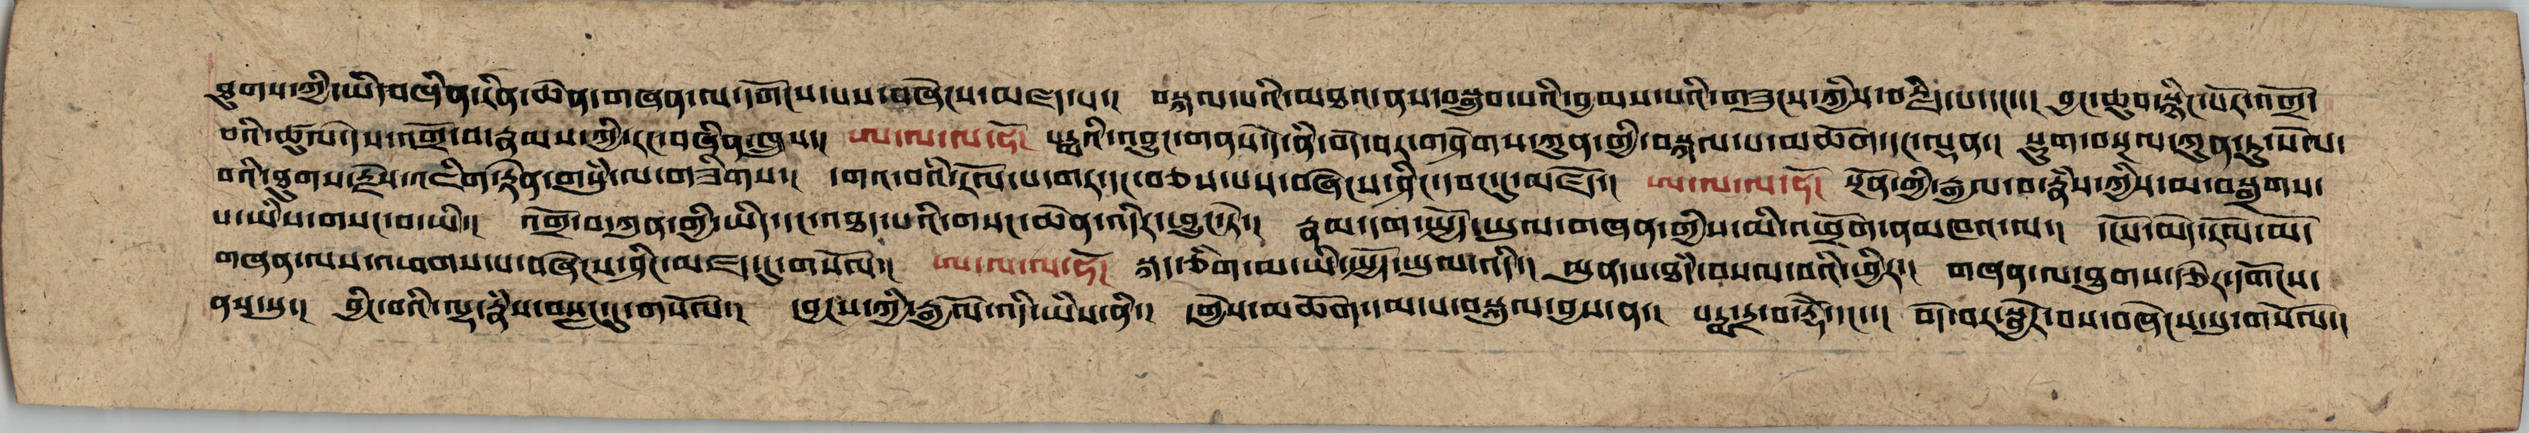ཐུགས་ཀྱི་ཡིད་བཞིན་རིན་ཆེན་གཞན་ལ་དགོངས་པས་བཞེངས་མཛད་པ་། བསྐལ་པའི་མཐའ་ནས་བསྒྲུབ་པའི་བྱམས་པའི་གཟུངས་ཀྱིས་བརྗིད་པ་དང་་། བྱང་ཆུབ་སྙིང་པོར་འགྲོ་
བའི་ཚུལ་དེས་འགྲོ་བ་རྣམས་ཀྱི་རང་བཞིན་ཁྲུས་། ཨ་ལ་ལ་ཧོ། པདྨའི་འབྱུང་གནས་དེ་ནི་བདེ་བར་གཤེགས་ཀུན་གྱི་བསྐལ་པ་མཆོག་དང་ལྡན་། སྡུག་བསྔལ་ཀུན་ཏུ་སེལ་
བའི་ཐུགས་རྗེས་འཇིག་རྟེན་གསུཾ་ལ་གཟིགས་། དགའ་བའི་རོལ་པ་གར་དང་བཅས་པས་བཞེངས་ཤིང་དབང་དུ་མཛོད་། ཨ་ལ་ལ་ཧོ། སྔོན་གྱི་རྒྱལ་བ་རྣཾས་ཀྱིས་མ་བསྒྲགས་
ས་ཡིས་གསང་བ་ཡི་། འགྲོ་བ་ཀུན་གྱི་ཡིད་དང་འཐད་པའི་གསང་ཆེན་འདིར་ཕྱུང་ཏེ་། རྣམ་དག་སྤྱོད་་ཡུལ་གཞན་གྱིས་མི་འཕྲོག་ནམཁའ་ལ་། དངོས་མེད་རོལ་མོ་
གཞནལས་འཕགས་པ་བཞེངས་ཤིང་མཛད་དུ་གསོལ་། ཨ་ལ་ལ་ཧོ། སྐད་ཅིག་མ་ཡི་སྤྱོད་ཡུལ་འདི་། མུན་པ་ཐཾད་བསལ་བའི་ཕྱིར་། གཞན་ལ་ཐུགས་རྩེར་དགོངས་
ནས་སུ་། བྱིང་བའི་ལྷ་རྣཾས་བསླང་དུ་གསོལ་། དབྱངས་ཀྱི་རྒྱལོ་འདི་ཡིས་ནི་། དགྱེས་མཆོག་དམ་པ་བསྐུལ་བྱས་ན་། པདྨ་དྲ་བ་རྡོེ་དང་་། བདེ་བར་སྦྱོར་བས་བཞེངས་སུ་གསོལ་།